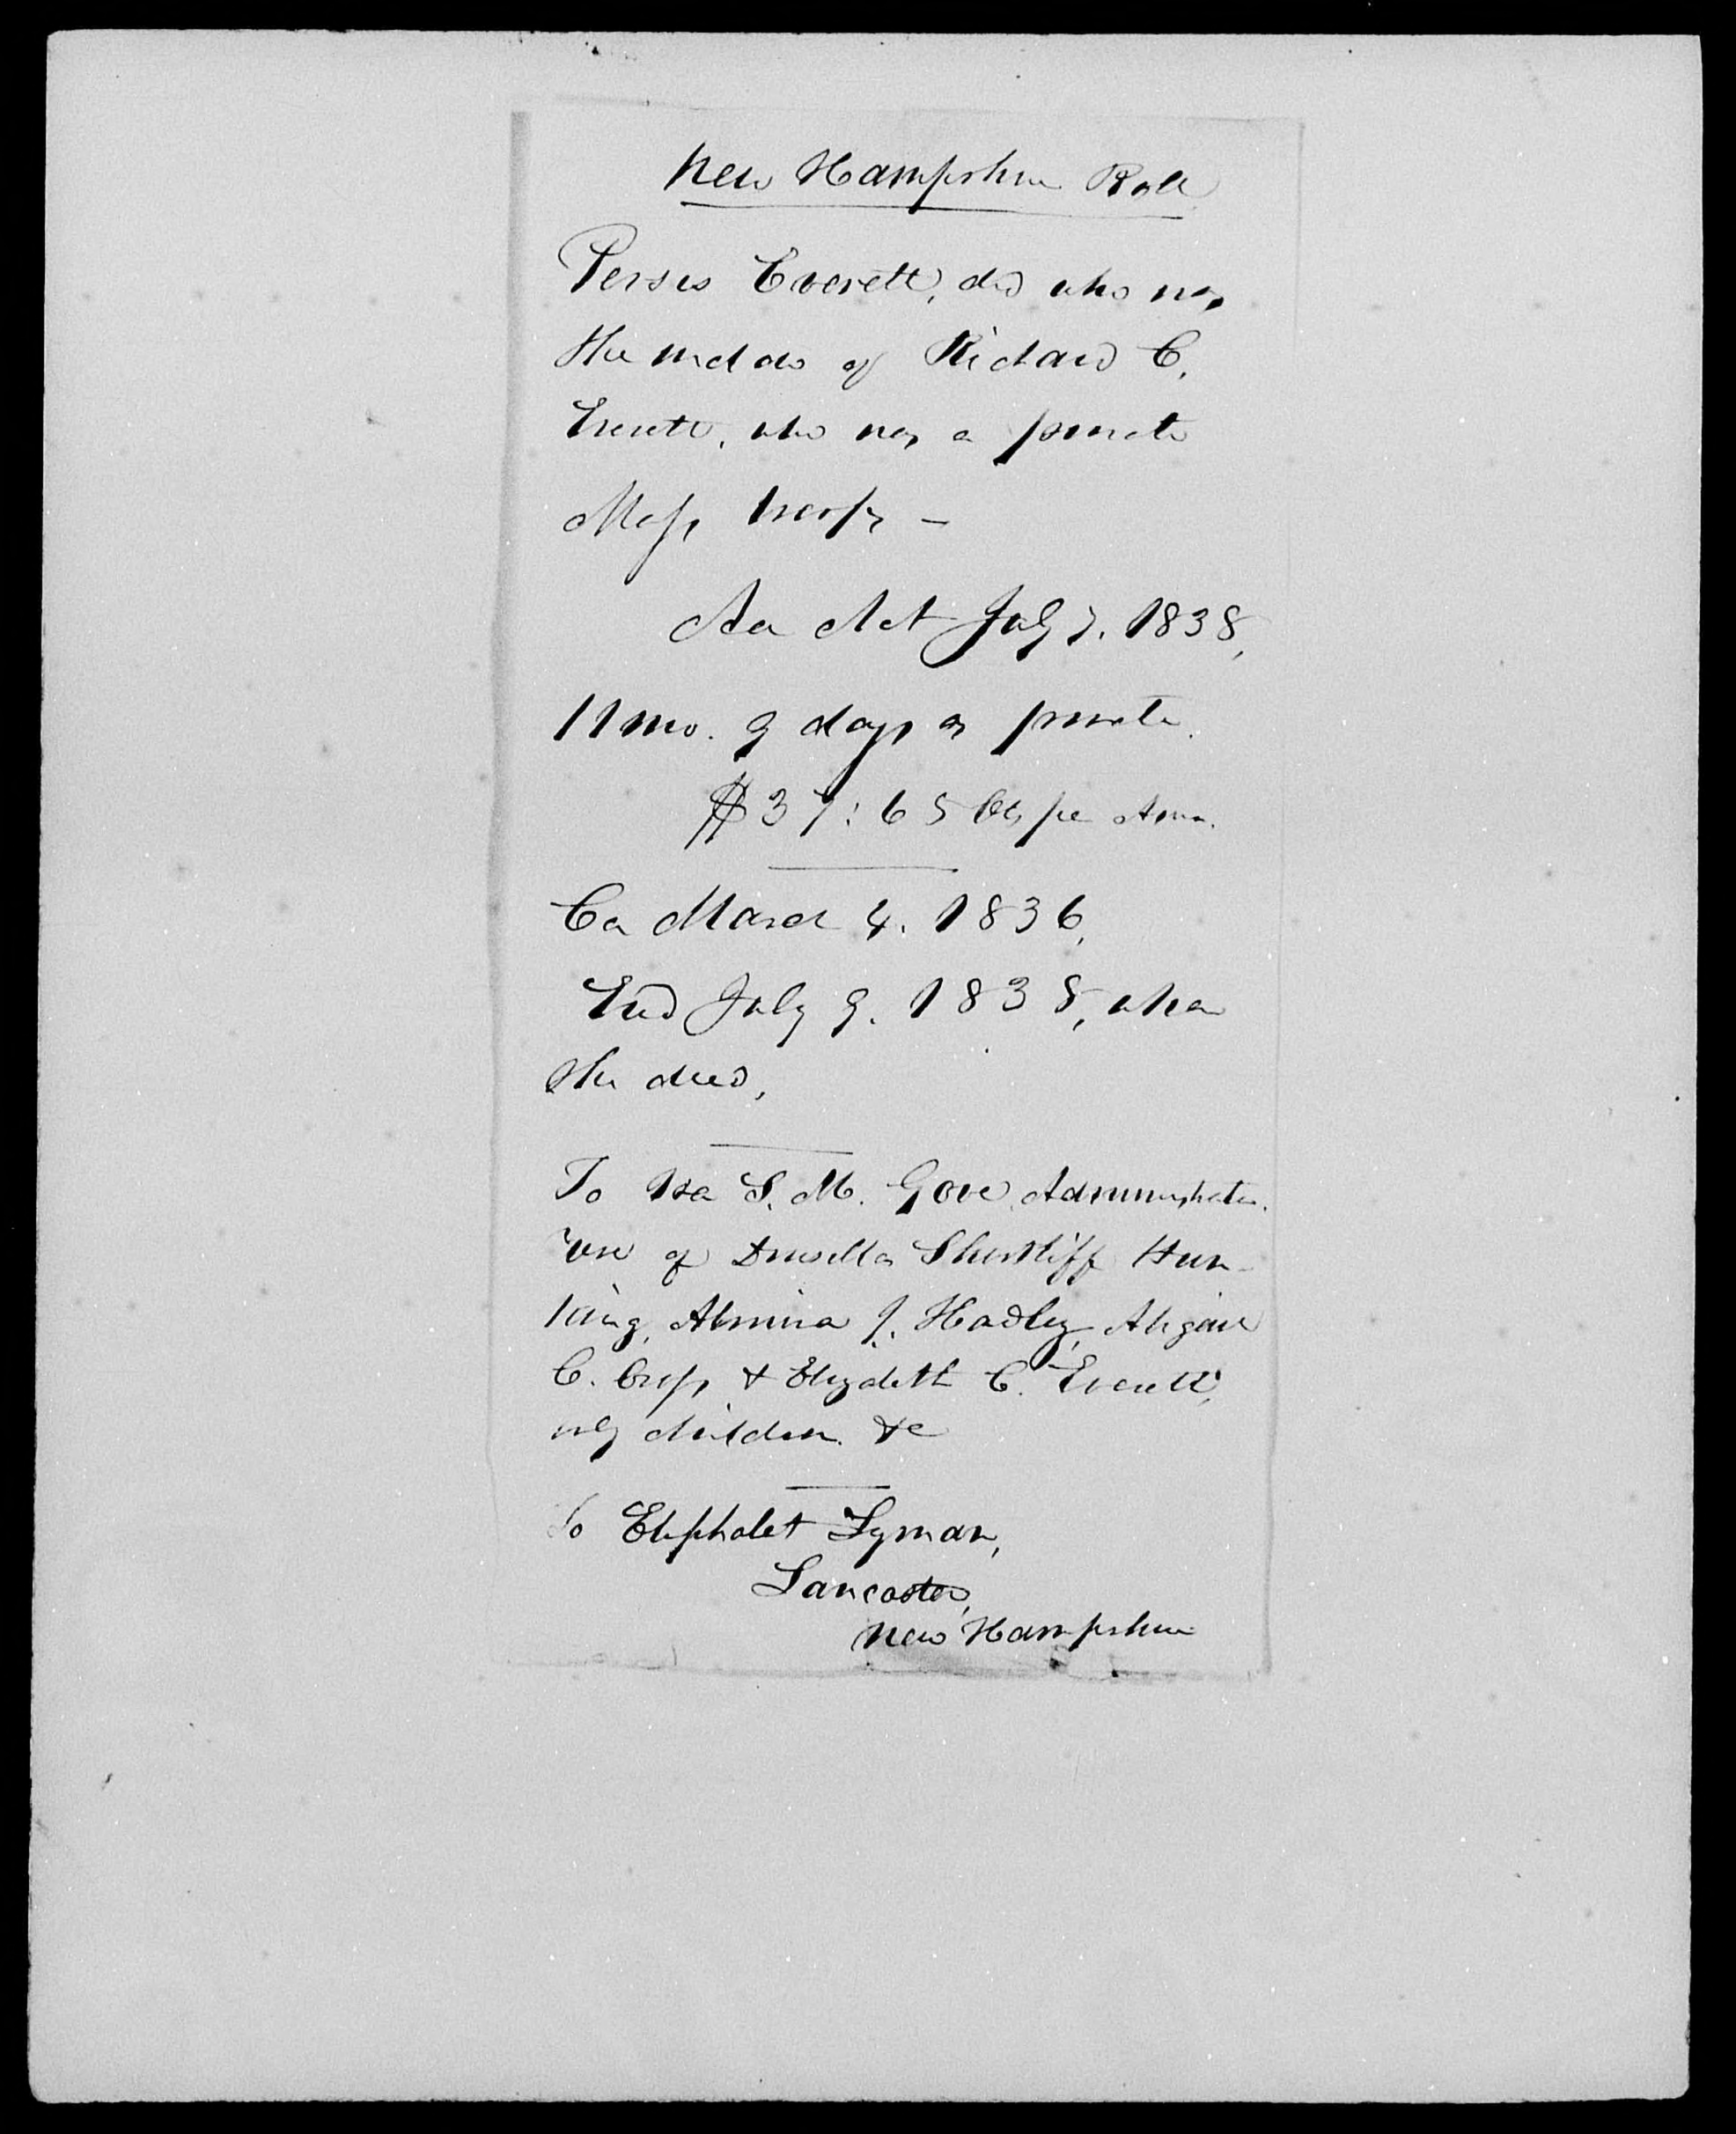New Hampshire Roll

Perses Everett, decd who was
the widow of Richard C.
Everett, who was a private
Mass troops -

An Act July 7, 1838,
11 mo. 9 days as private.
$37 : 65 cts per Anum.
--
Co (commence) March 4, 1836,
End July 9, 1838, when
she died.
--
To Ira S. M. Gove, Administrator,
[illegible] of Drusilla Sheriff Hunking,
Almina J. Hadley, Abigail 
C. Cross & Elizabeth C. Everett,
only children &c
--
To Eliphalet Lyman,
Lancaster,
New Hampshire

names: Abigail C Cross, Almira J Hadley, Elizabeth C Everett, Eliphalet Lyman, Richard C Everett, Drusilla Shirtliff Hunking, Ira S M Gove, Persis Everett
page: 19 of 59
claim: widow's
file: W. 23017, Richard Clair Everett, Mass.